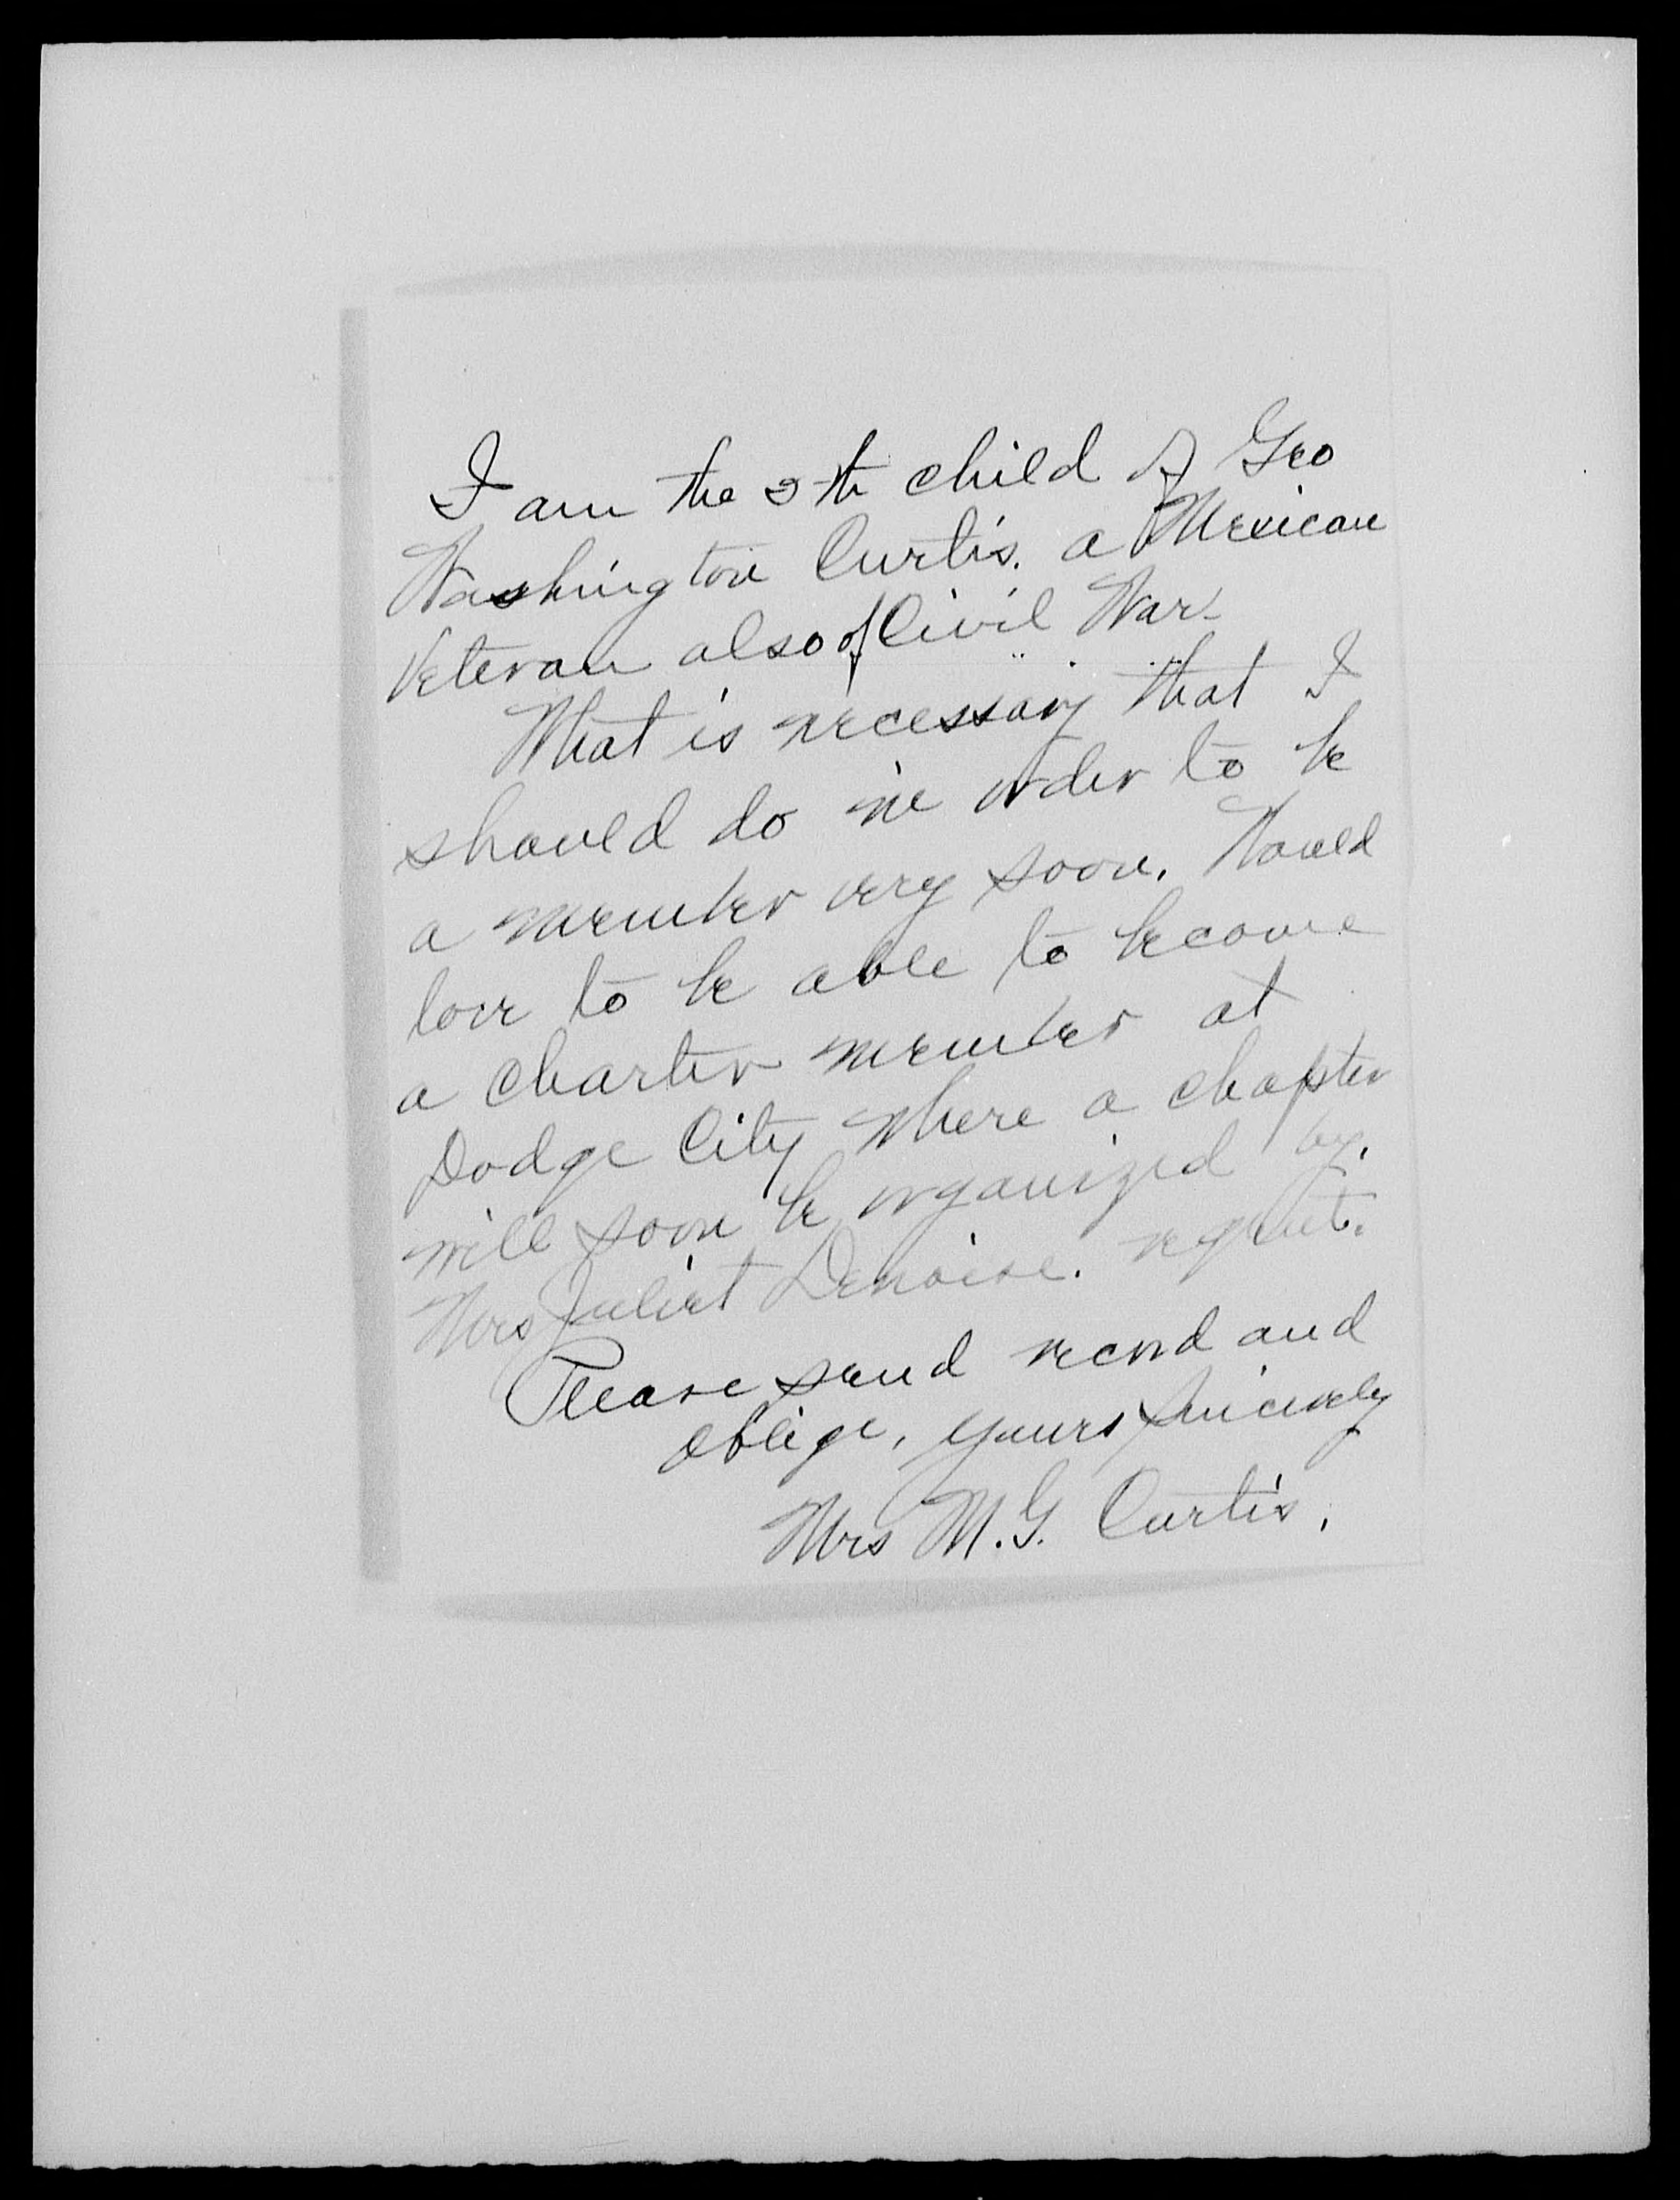I am the 5th child of Geo
Washington Curtis a Mexican
Veteran also of Civil War

What is necessary that
should do in order to be
a member very soon. Would
love to be able to become
a charter member at
Dodge City where a chapter
will soon be organized by
Mrs Juliet Denoise.

Please send record and
oblige, your sincerely
Mrs M. G. Curtis,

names: Juliet Denoise, Geo Washington Curtis, M G Curtis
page: 22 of 26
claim: survivor's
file: S. 34,725, John Curtis, Md.